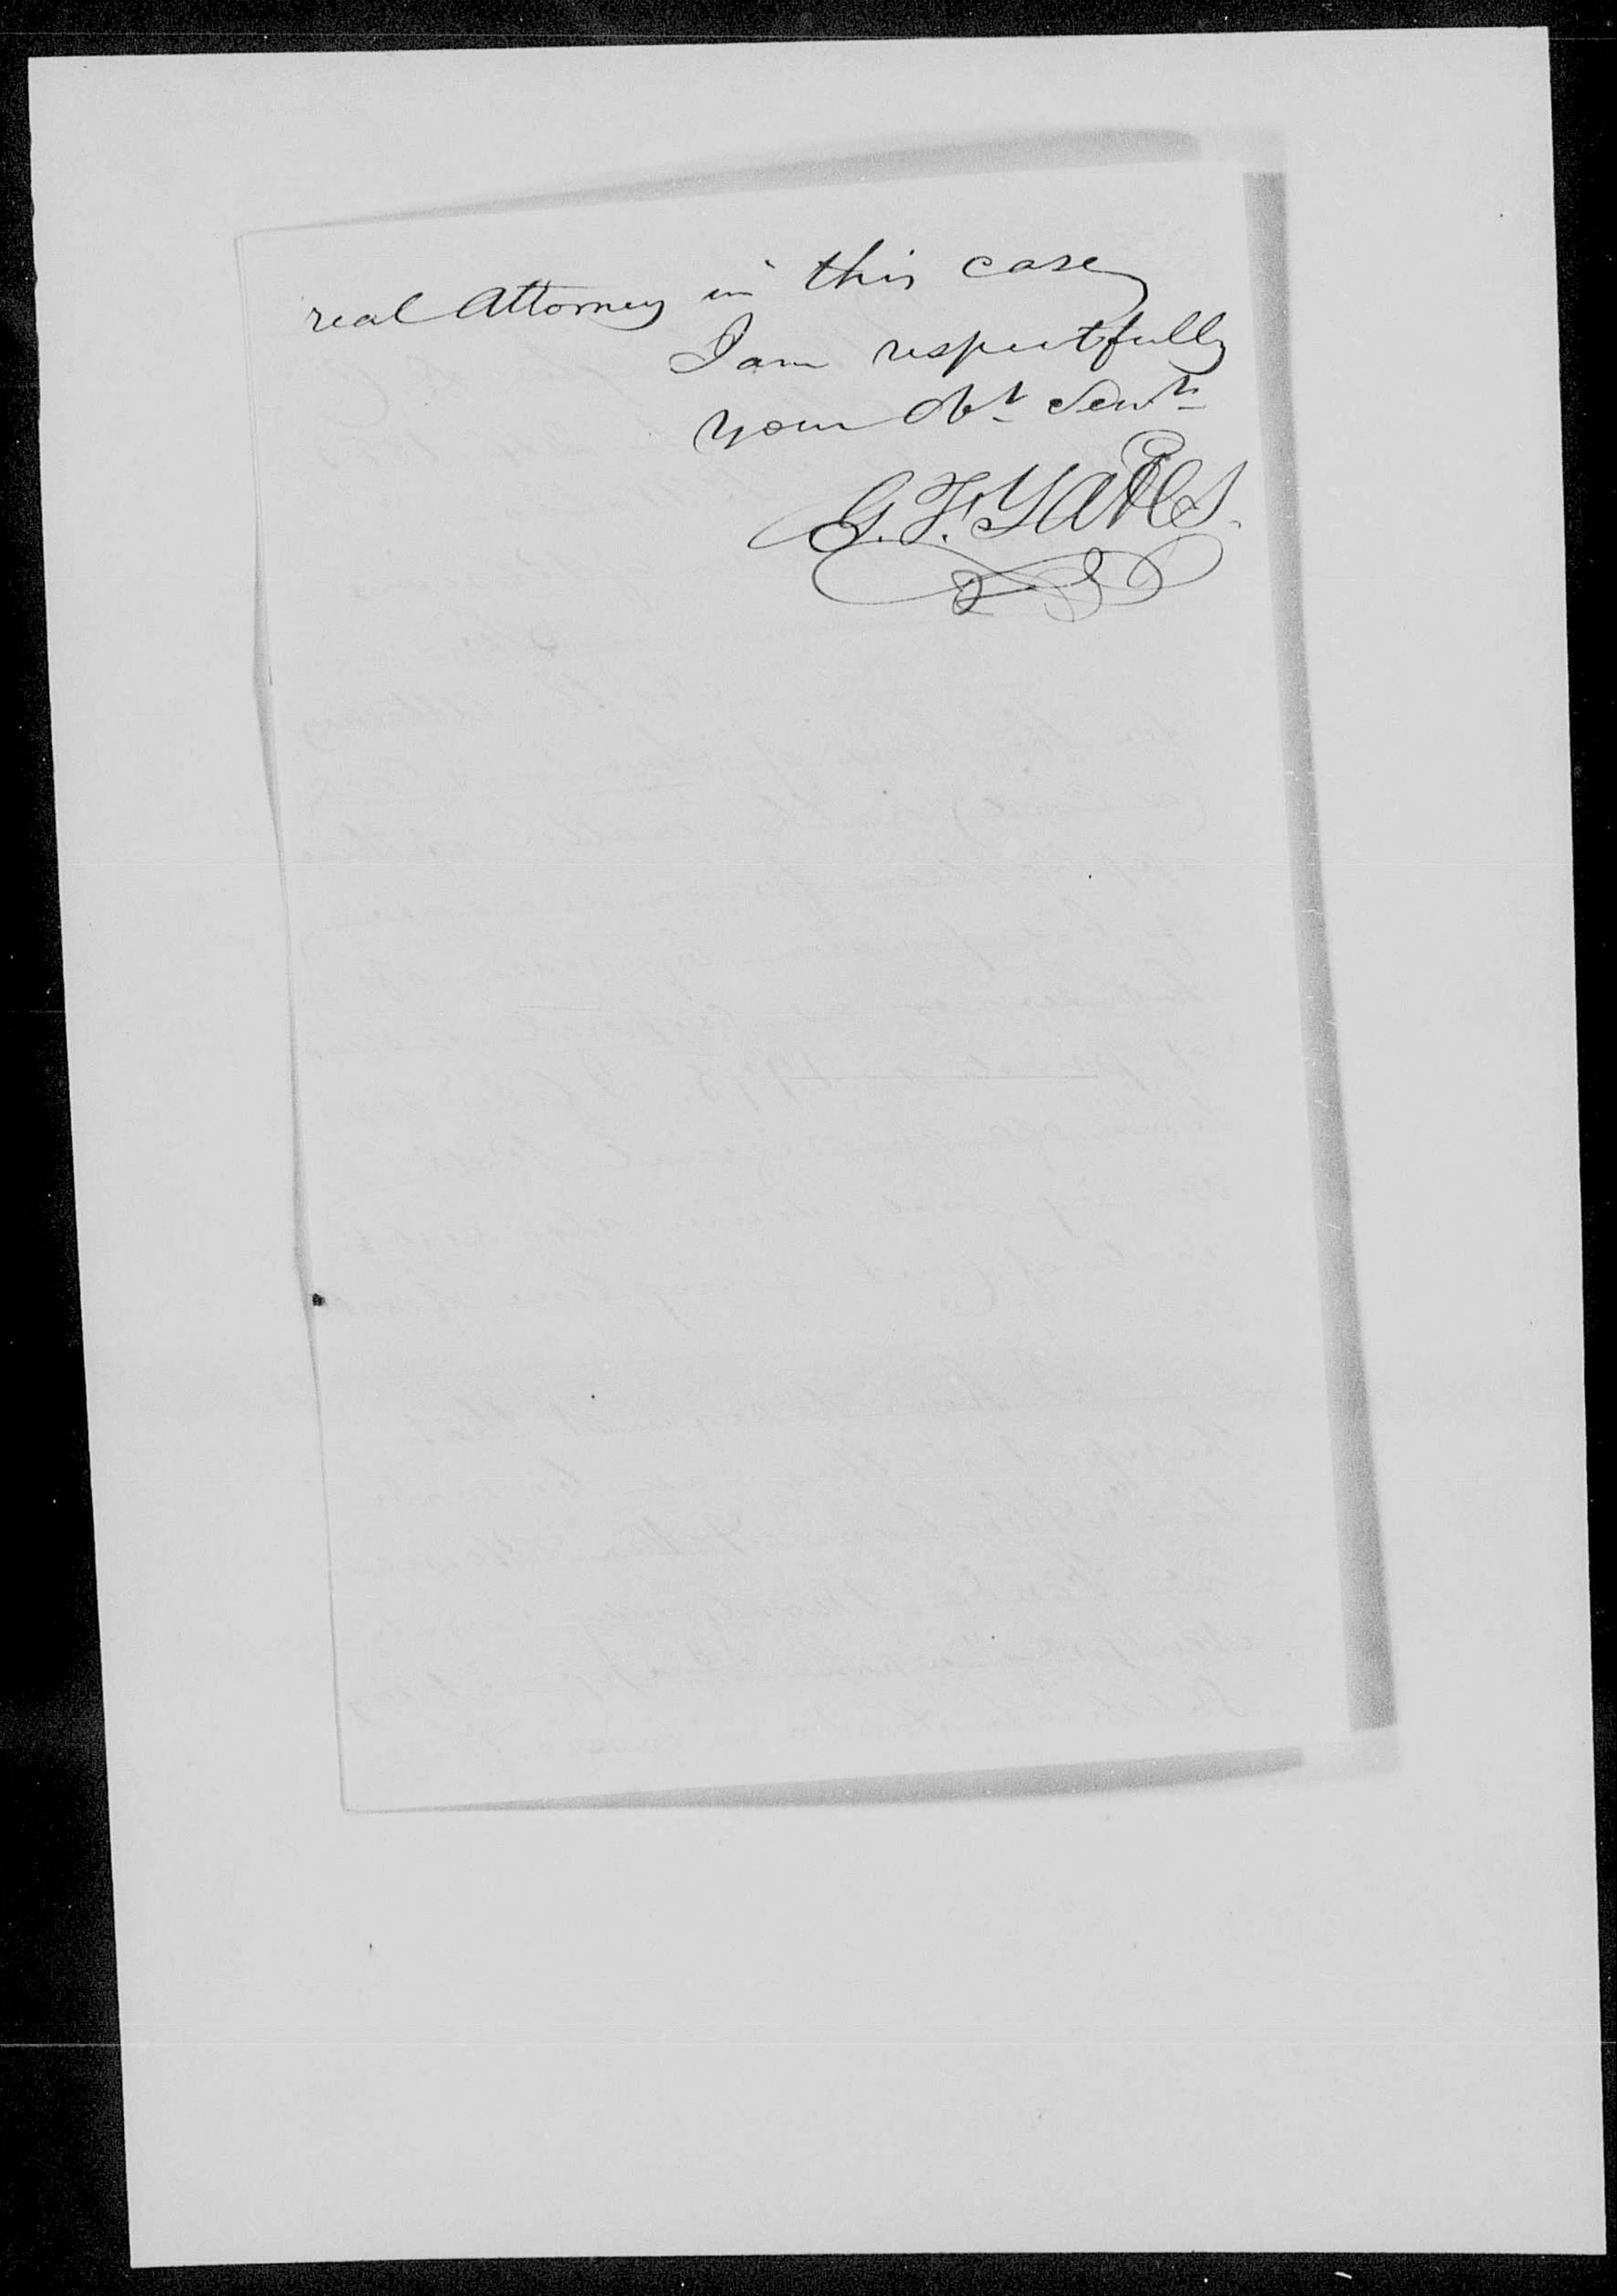real Attorney in this case.

I am respectfully your obt servt
G.F. Yates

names: G F Yates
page: 27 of 51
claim: survivor's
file: S. 12563, Severinus Cook, New York